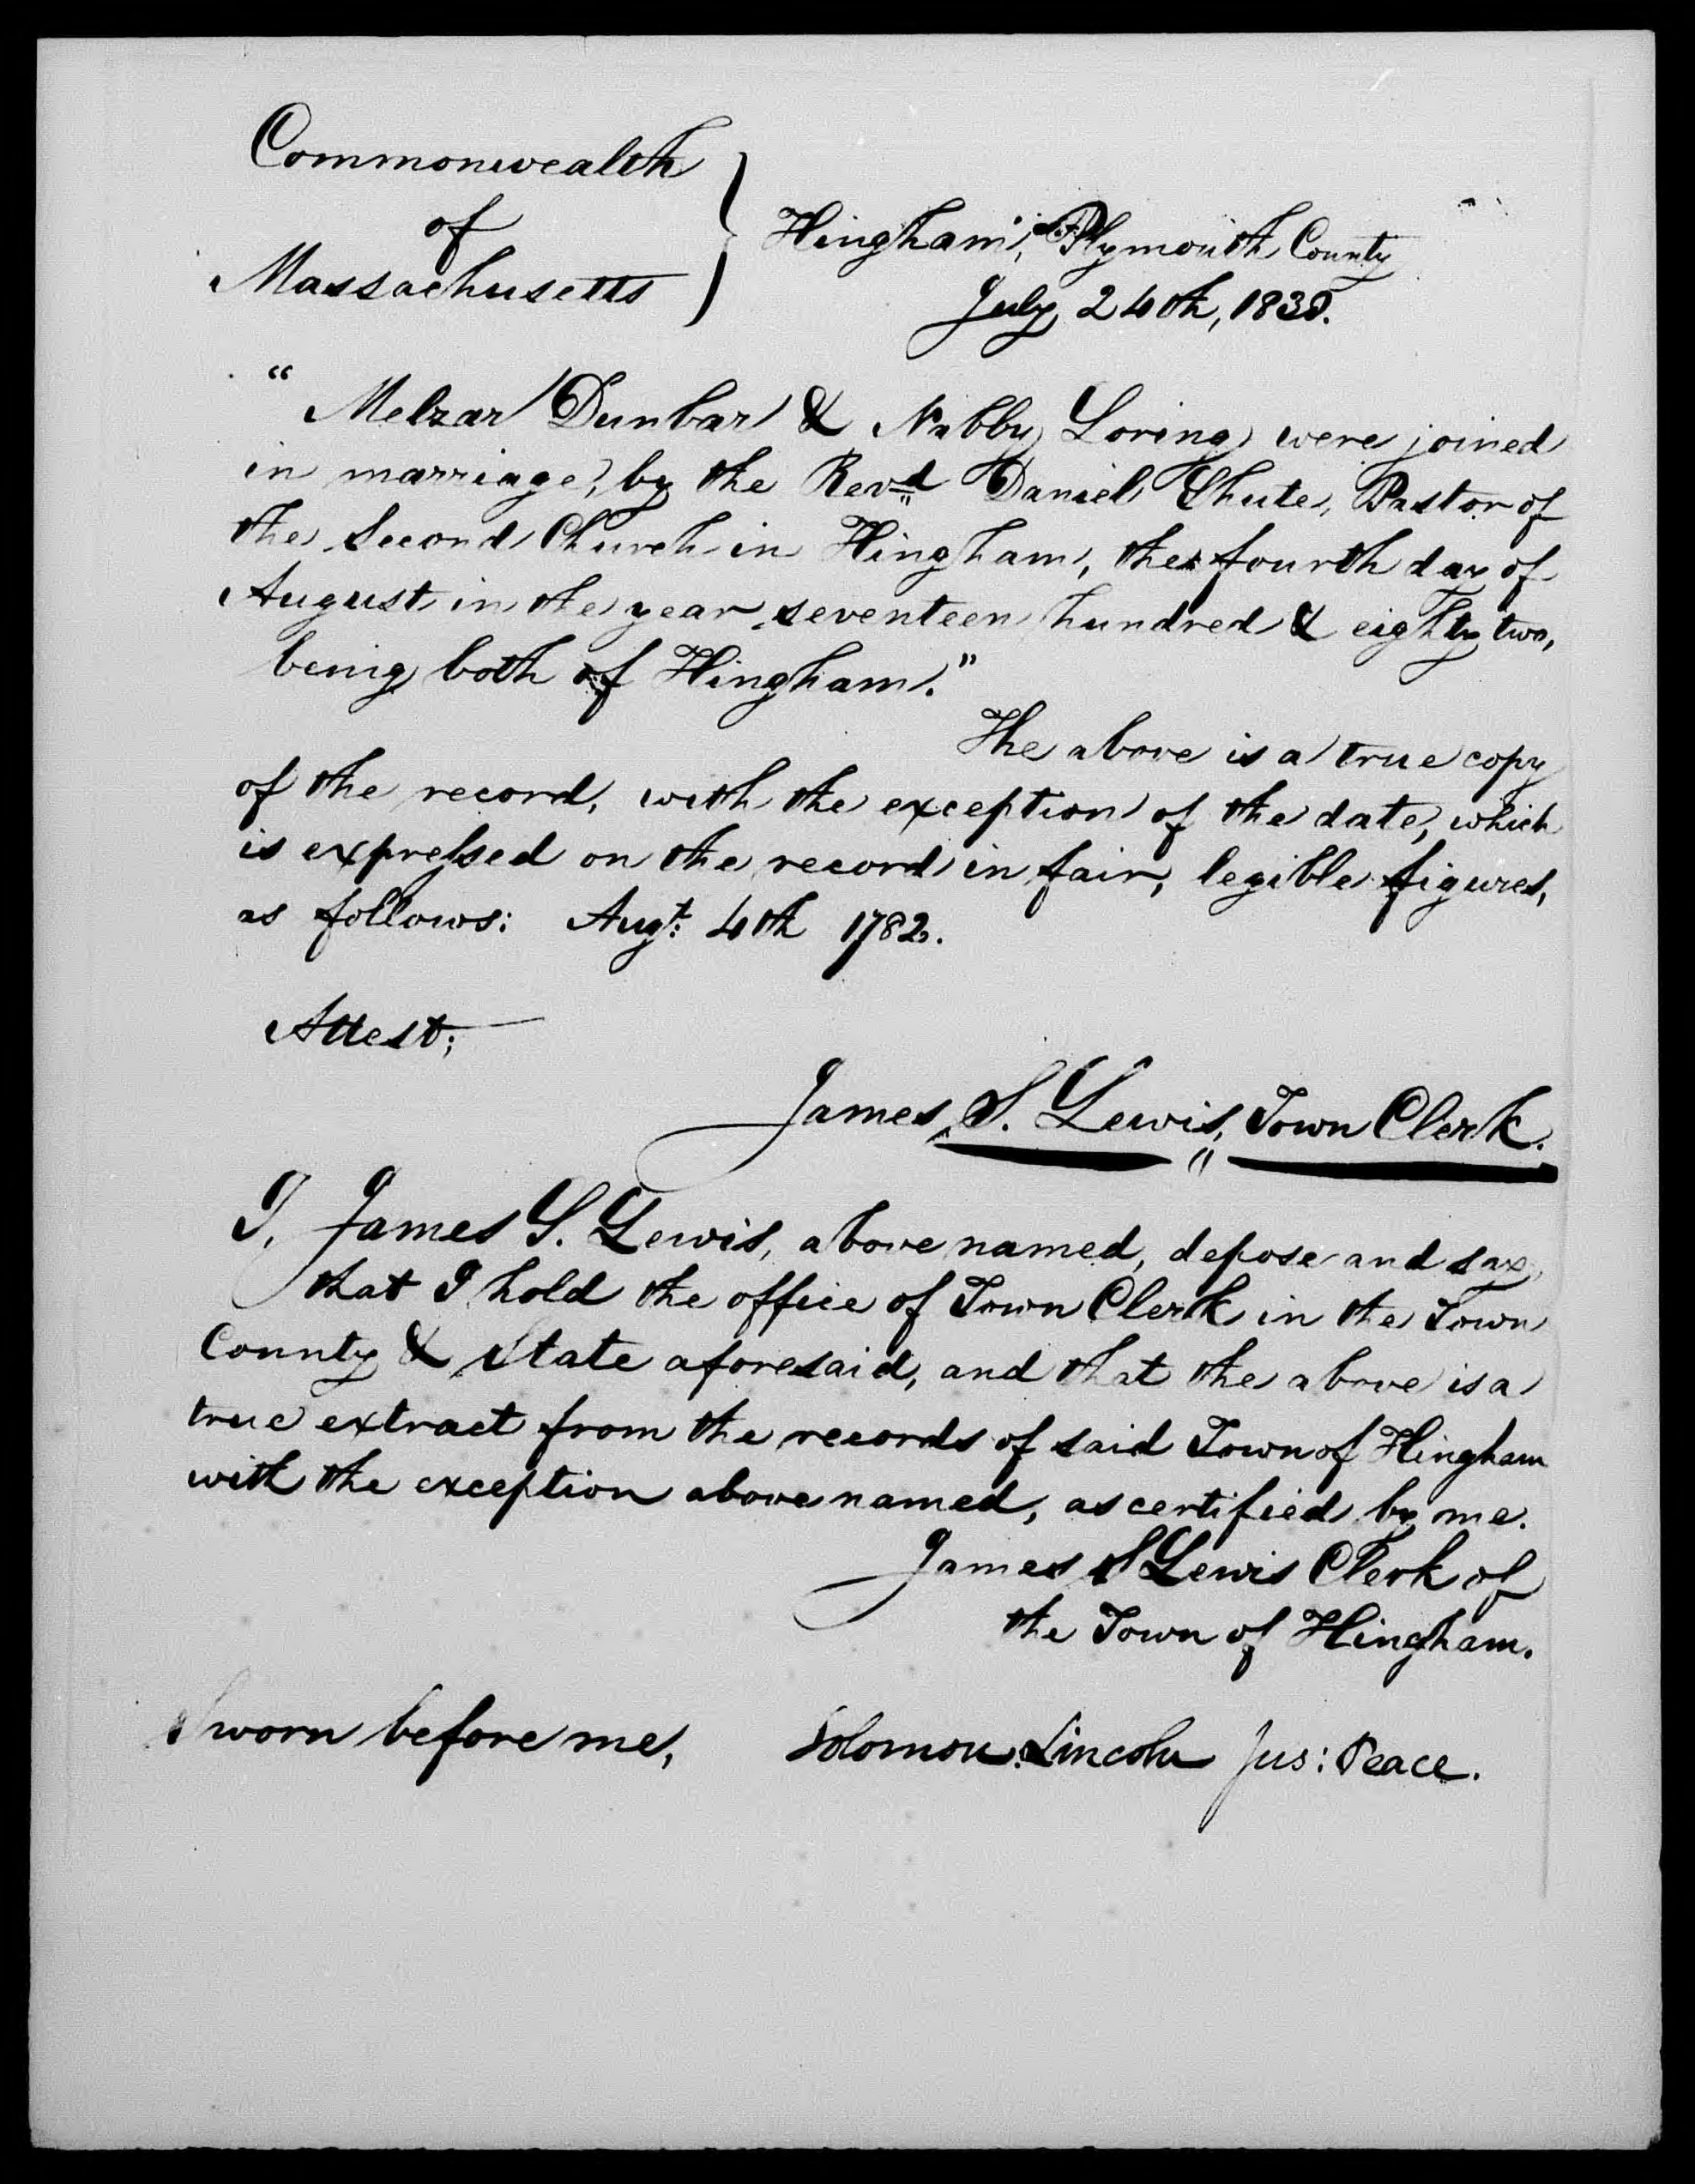Commonwealth of Massachusetts

Hingham, Plymouth County
July 24th 1838


"Melzar Dunbar and Nabby Loring, were joined in marriage, by the Reverend Daniel Shute, Pastor of the Second Church in Hingham, the fourth day of August in the year seventeen hundred and eighty two, being both of Hingham."
The above is a true copy of the record, with the exception of the date, which is expressed on the record in fair, legible figures, as follows:  Augt. 4th 1782

Attest.  James S. Lewis
Town Clerk

I James S. Lewis, above named, depose and say that I hold the office of Town Clerk in the Town, County, and State aforesaid, and that the above is a true extract from the records of said Town of Hingham with the exception above named, as certified by me.

James S. Lewis 
Clerk of the Town of Hingham

Sworn before me,

Solomon Lincoln - Justice of the Peace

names: Melzar Dunbar, James S Lewis, James S Lewis, Solomon Lincoln, James S Lewis, Nabby Loring, Daniel Shute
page: 4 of 26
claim: widow's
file: W. 14657, Melzar Dunbar, Mass.